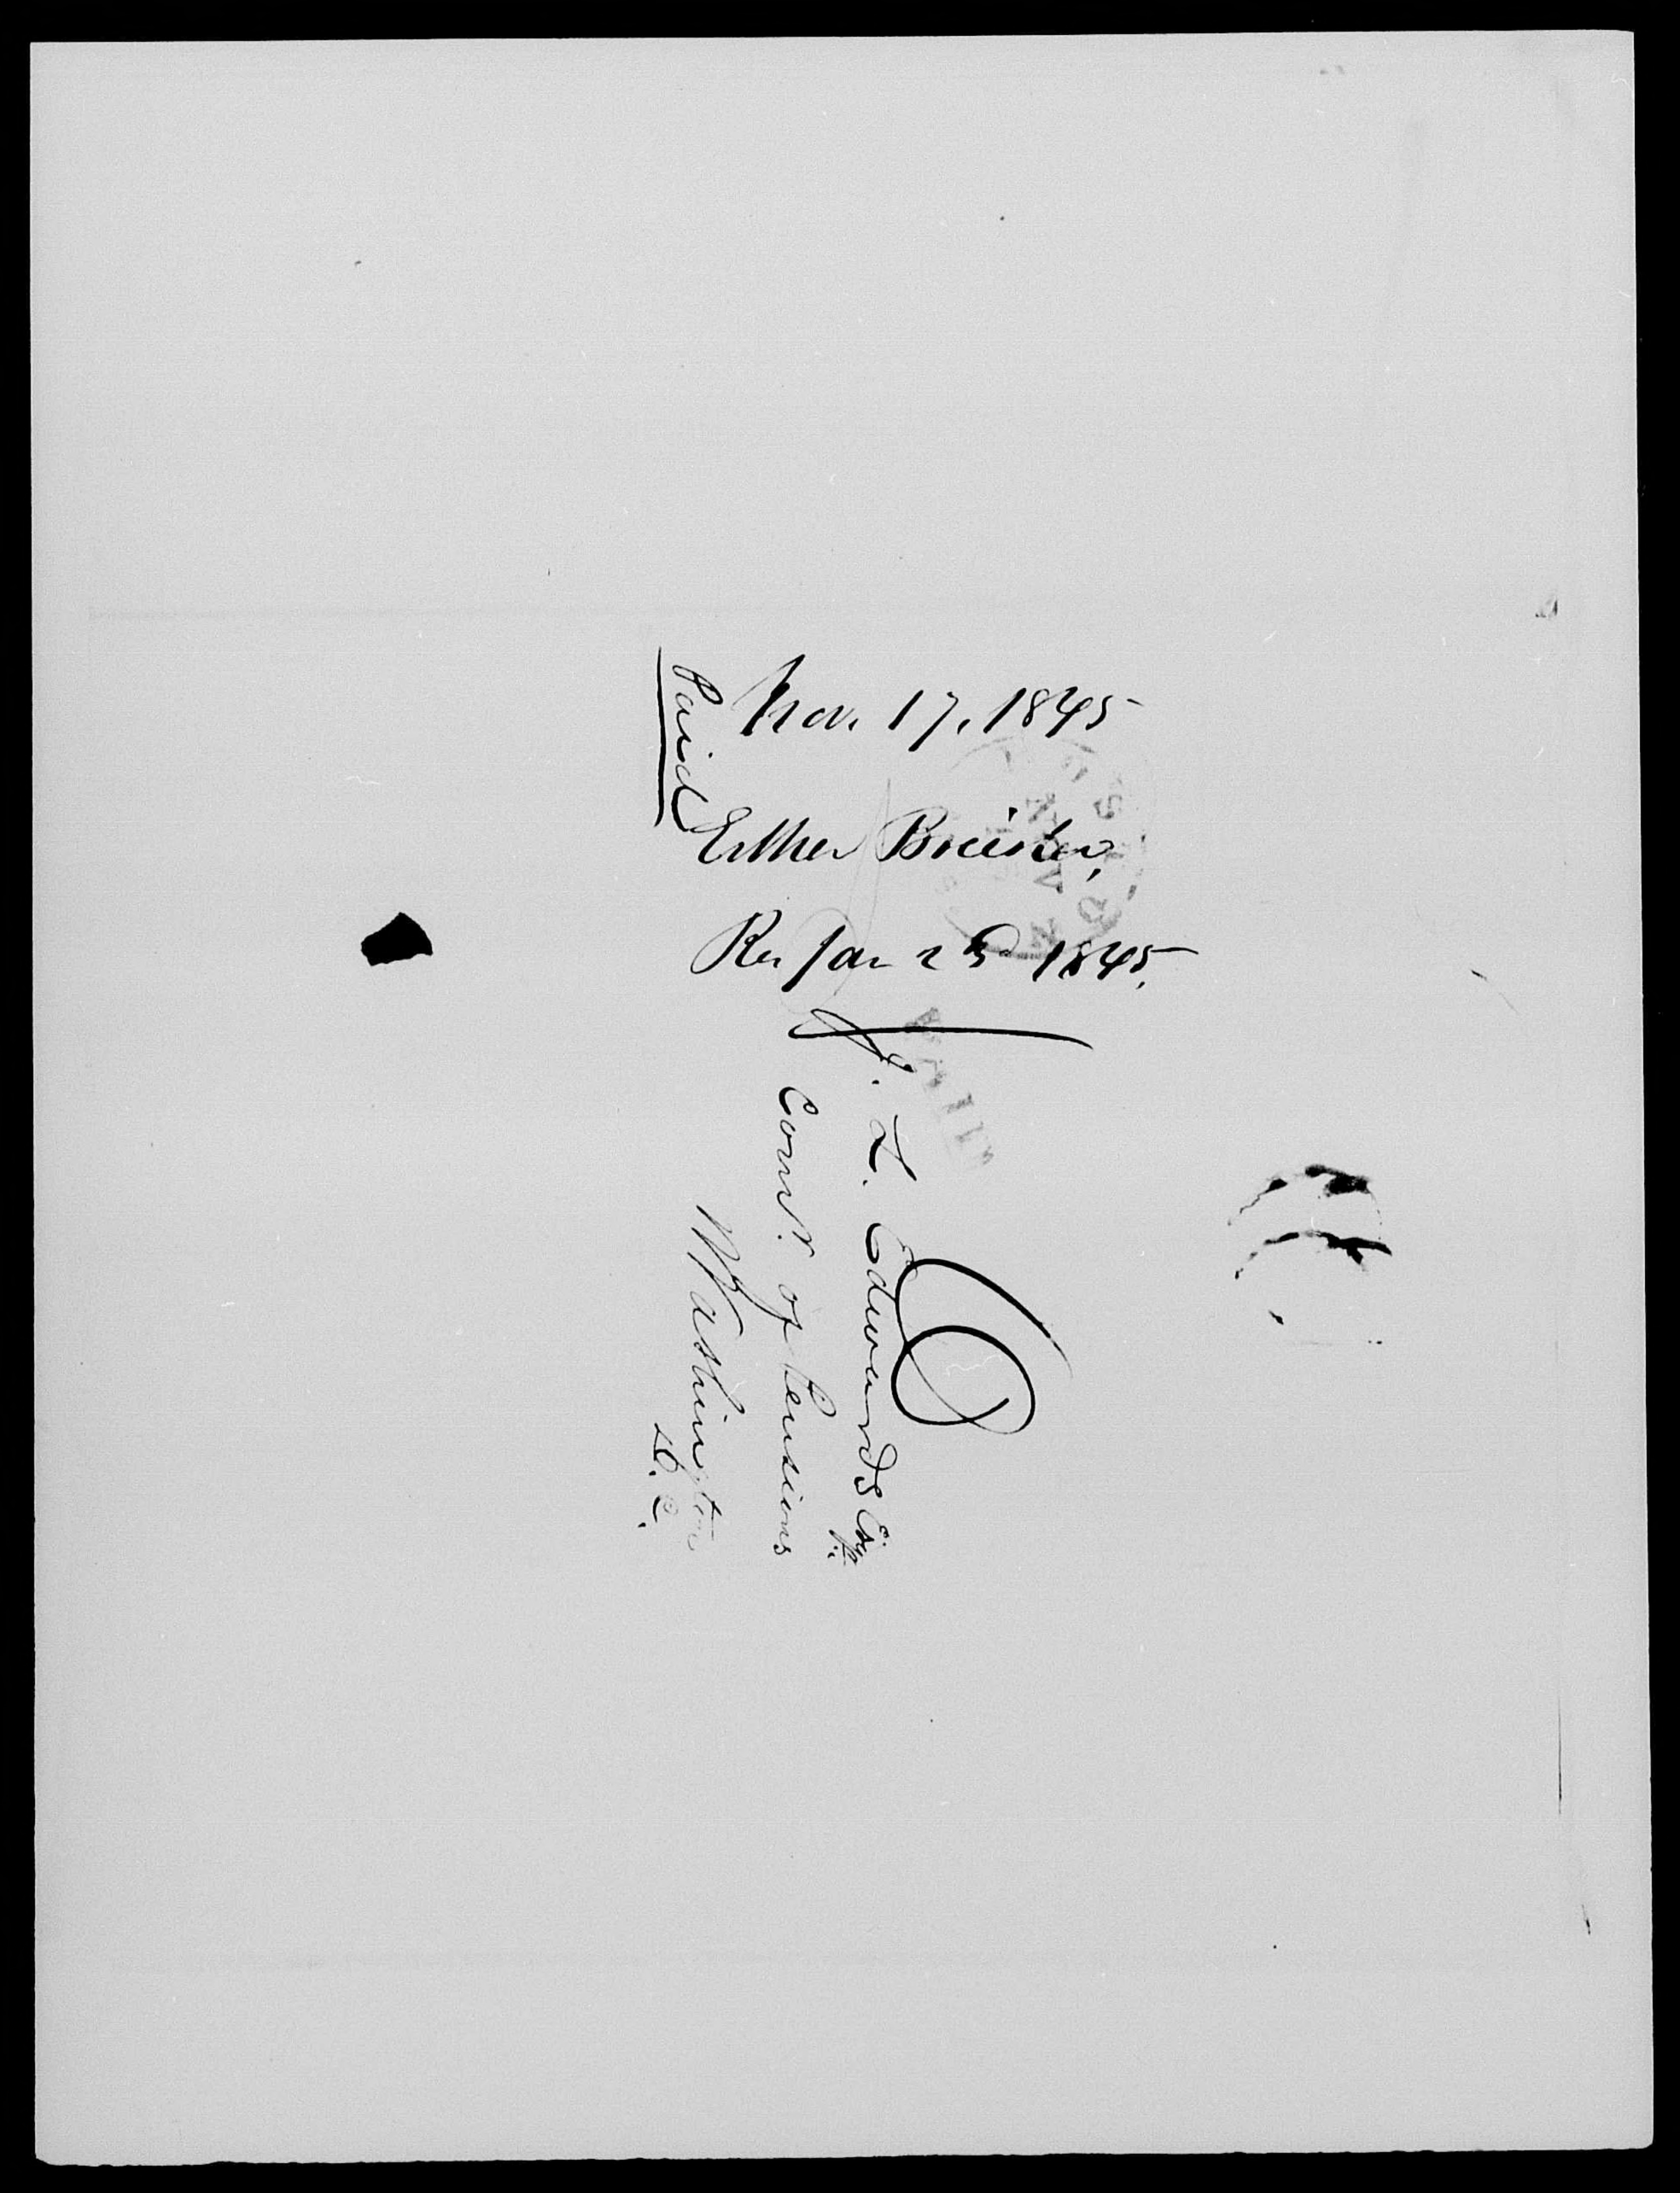Paid 
Mar 17, 1845
Esther Breisler
Rec Jan 25 1845
J. L. Edwards Esqr 
Commr of Pensions 
Washington D.C.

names: J L Edwards, Esther Briesler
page: 34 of 46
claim: widow's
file: W. 23,673, John Brisler, Mass.